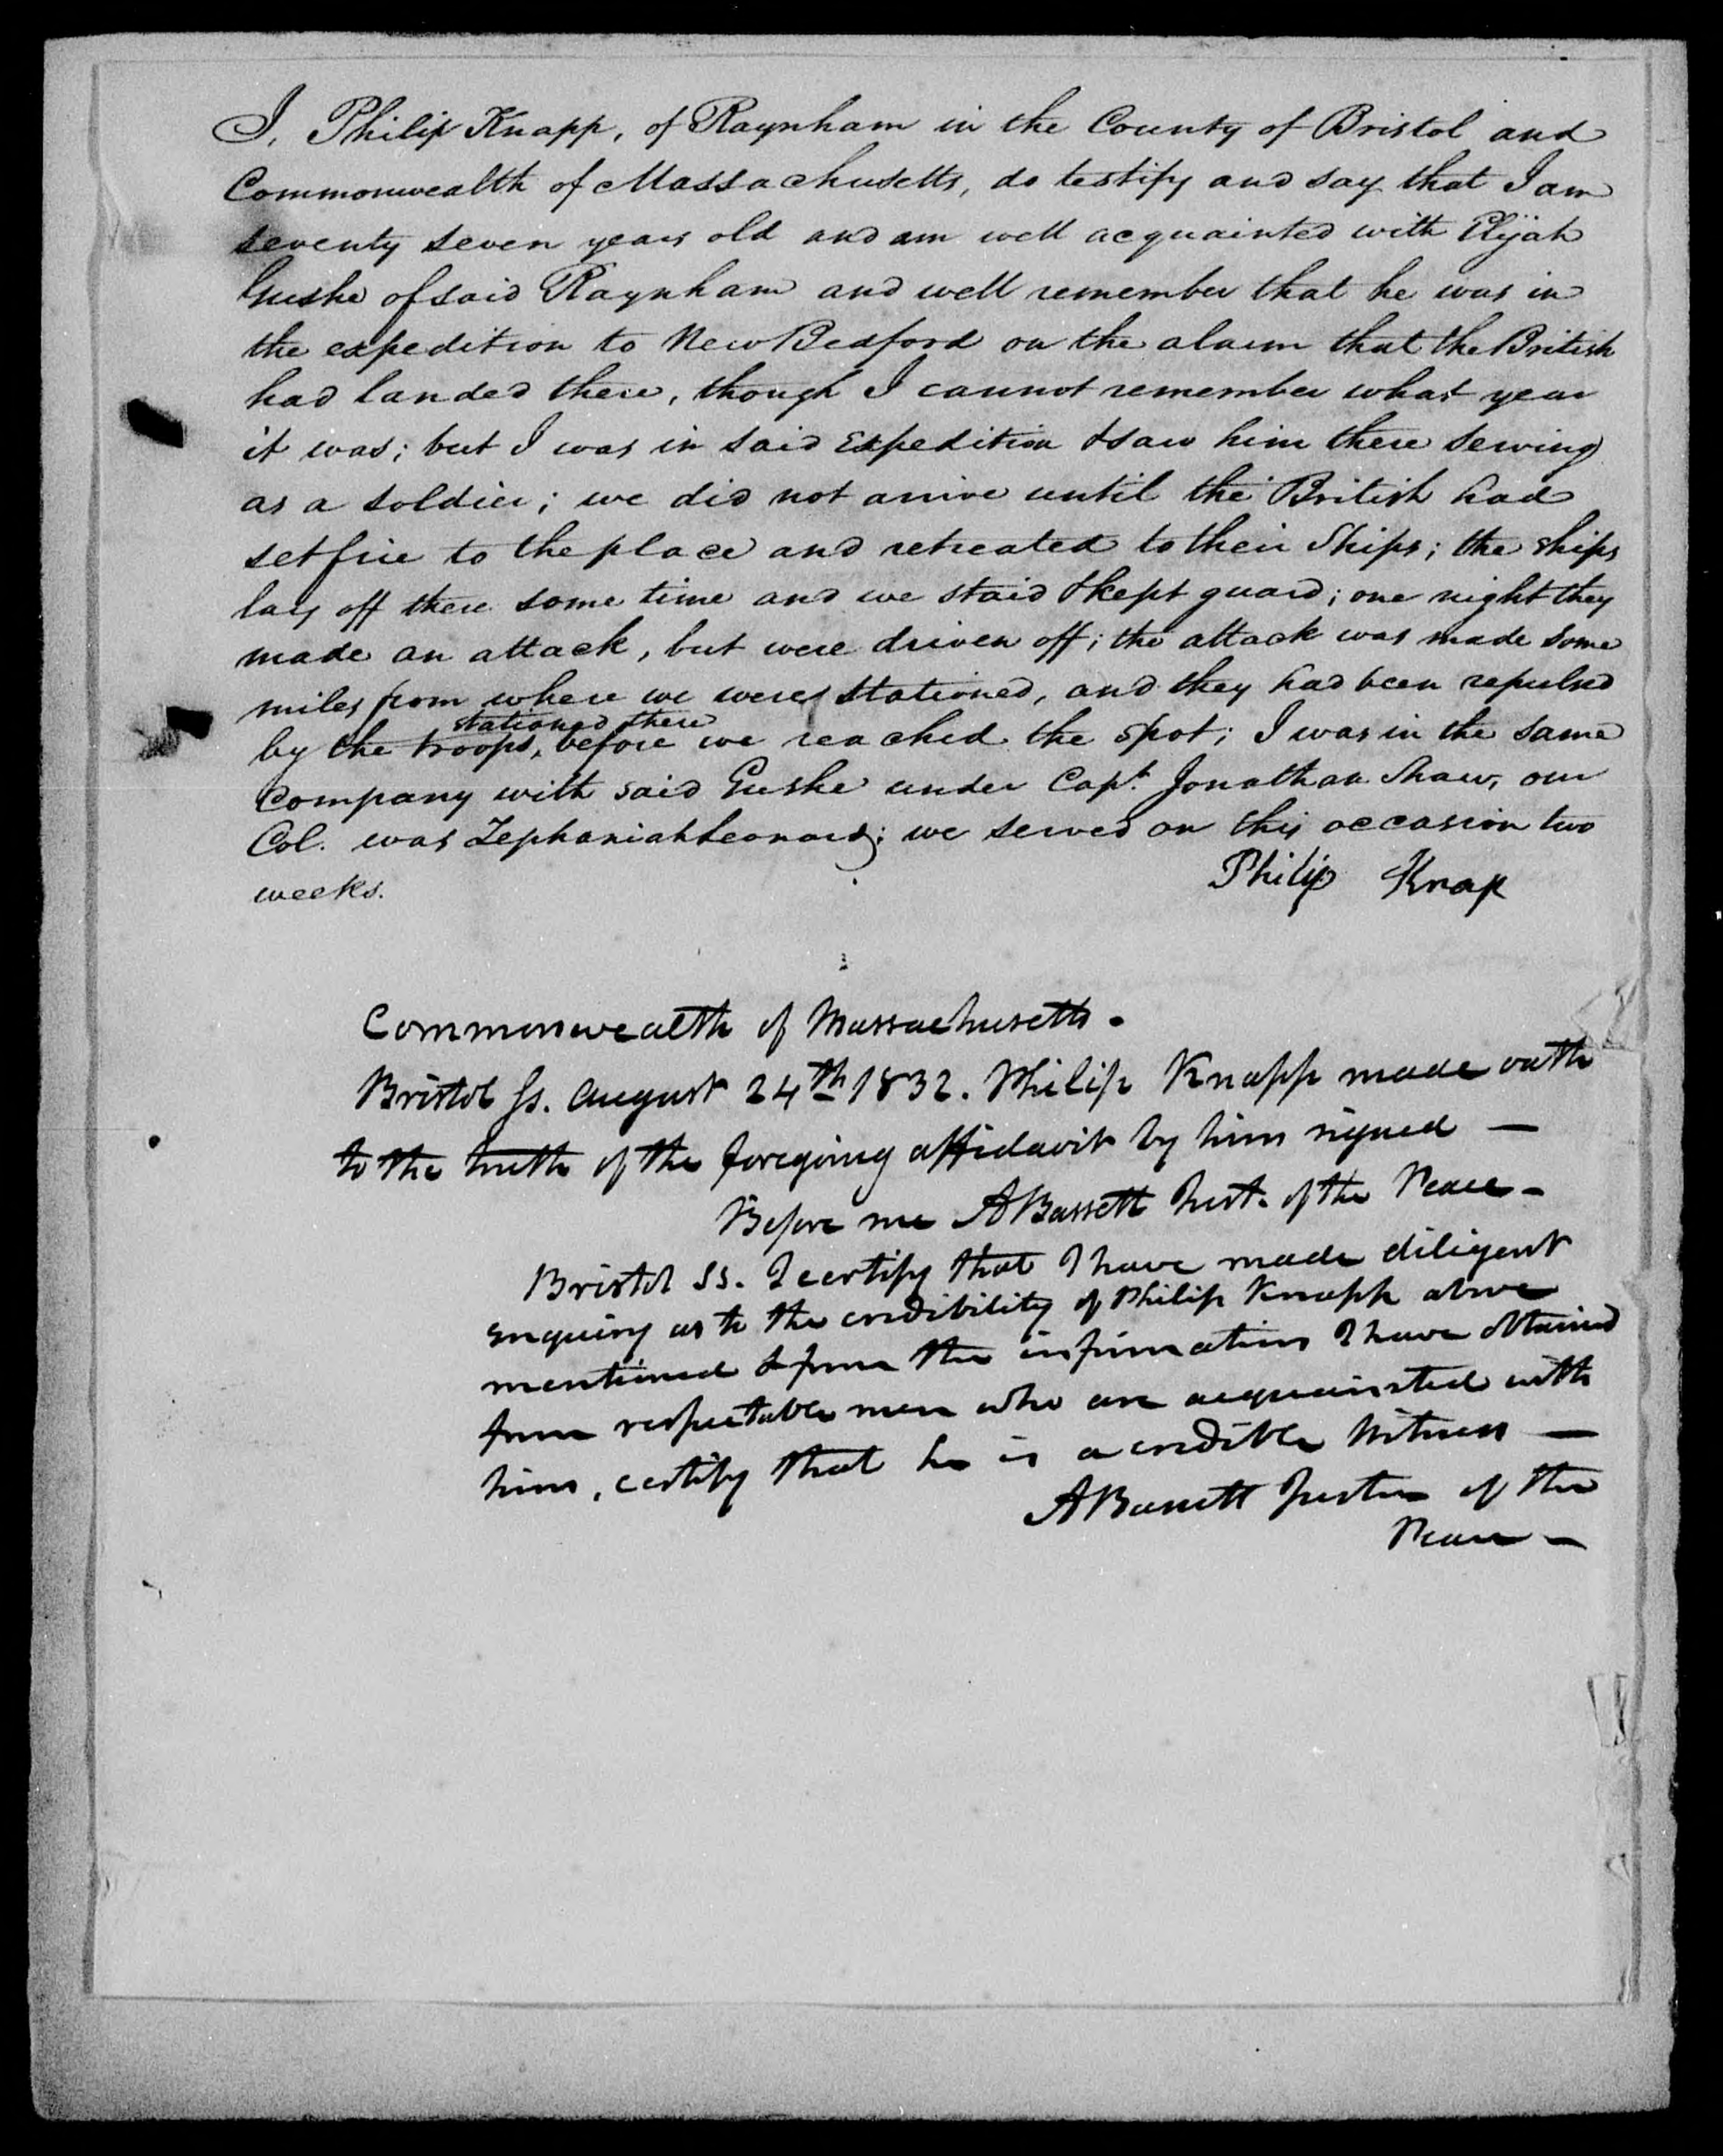I, Philip Knapp, of Raynham in the County of Bristol and Commonwealth of Massachusetts, do testify and say that I am seventy seven years old and am well acquainted with Elijah
Gust of said Raynham and well remember that he was inthe expedition to New Bedford on the alarm that the British had landed there, though I cannot remember what year it was, but I was in said expedition & saw him there serving
as a soldier; we did not arrive until the British had set fire to the place and retreated to their ships; the ships lay off there some time and we staid & kept guard, one night they made an attack, but were driven off; the attack was made some miles from where we were stationed, and they had been repulsed by the before we reached the spot; I was in the same
company with said Gushe under Capt Jonathan Shaw, our  Col. was Zephaniah Leonard; we served on this occasion two weeks.
Signature of Philip Knap


Commonwealth of Massachusetts
Bristol Ss. August 24th 1832. 
Philip Knapp made oath to the truth of the foregoing affidavit by him signed-

Before me A Barrett Just. of the Peace
Bristol Ss. 
I certify that I have made diligent enquiry as to the credibility of Philip Knopp alive
mentioned & from the infirmation I have obtained respectable men who are acquainted with him certify that he is a credible witness
A Barrett Justice of the Peace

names: Zephariah Leonard, Gushe, Philip Knapp, A Bassett, A Bassett, Philip Knapp, Elijah Gushe, Philip Knap, Jonathan Shaw, Philip Knapp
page: 32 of 36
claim: widow's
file: W. 8838, Elijah Gushee, Mass.